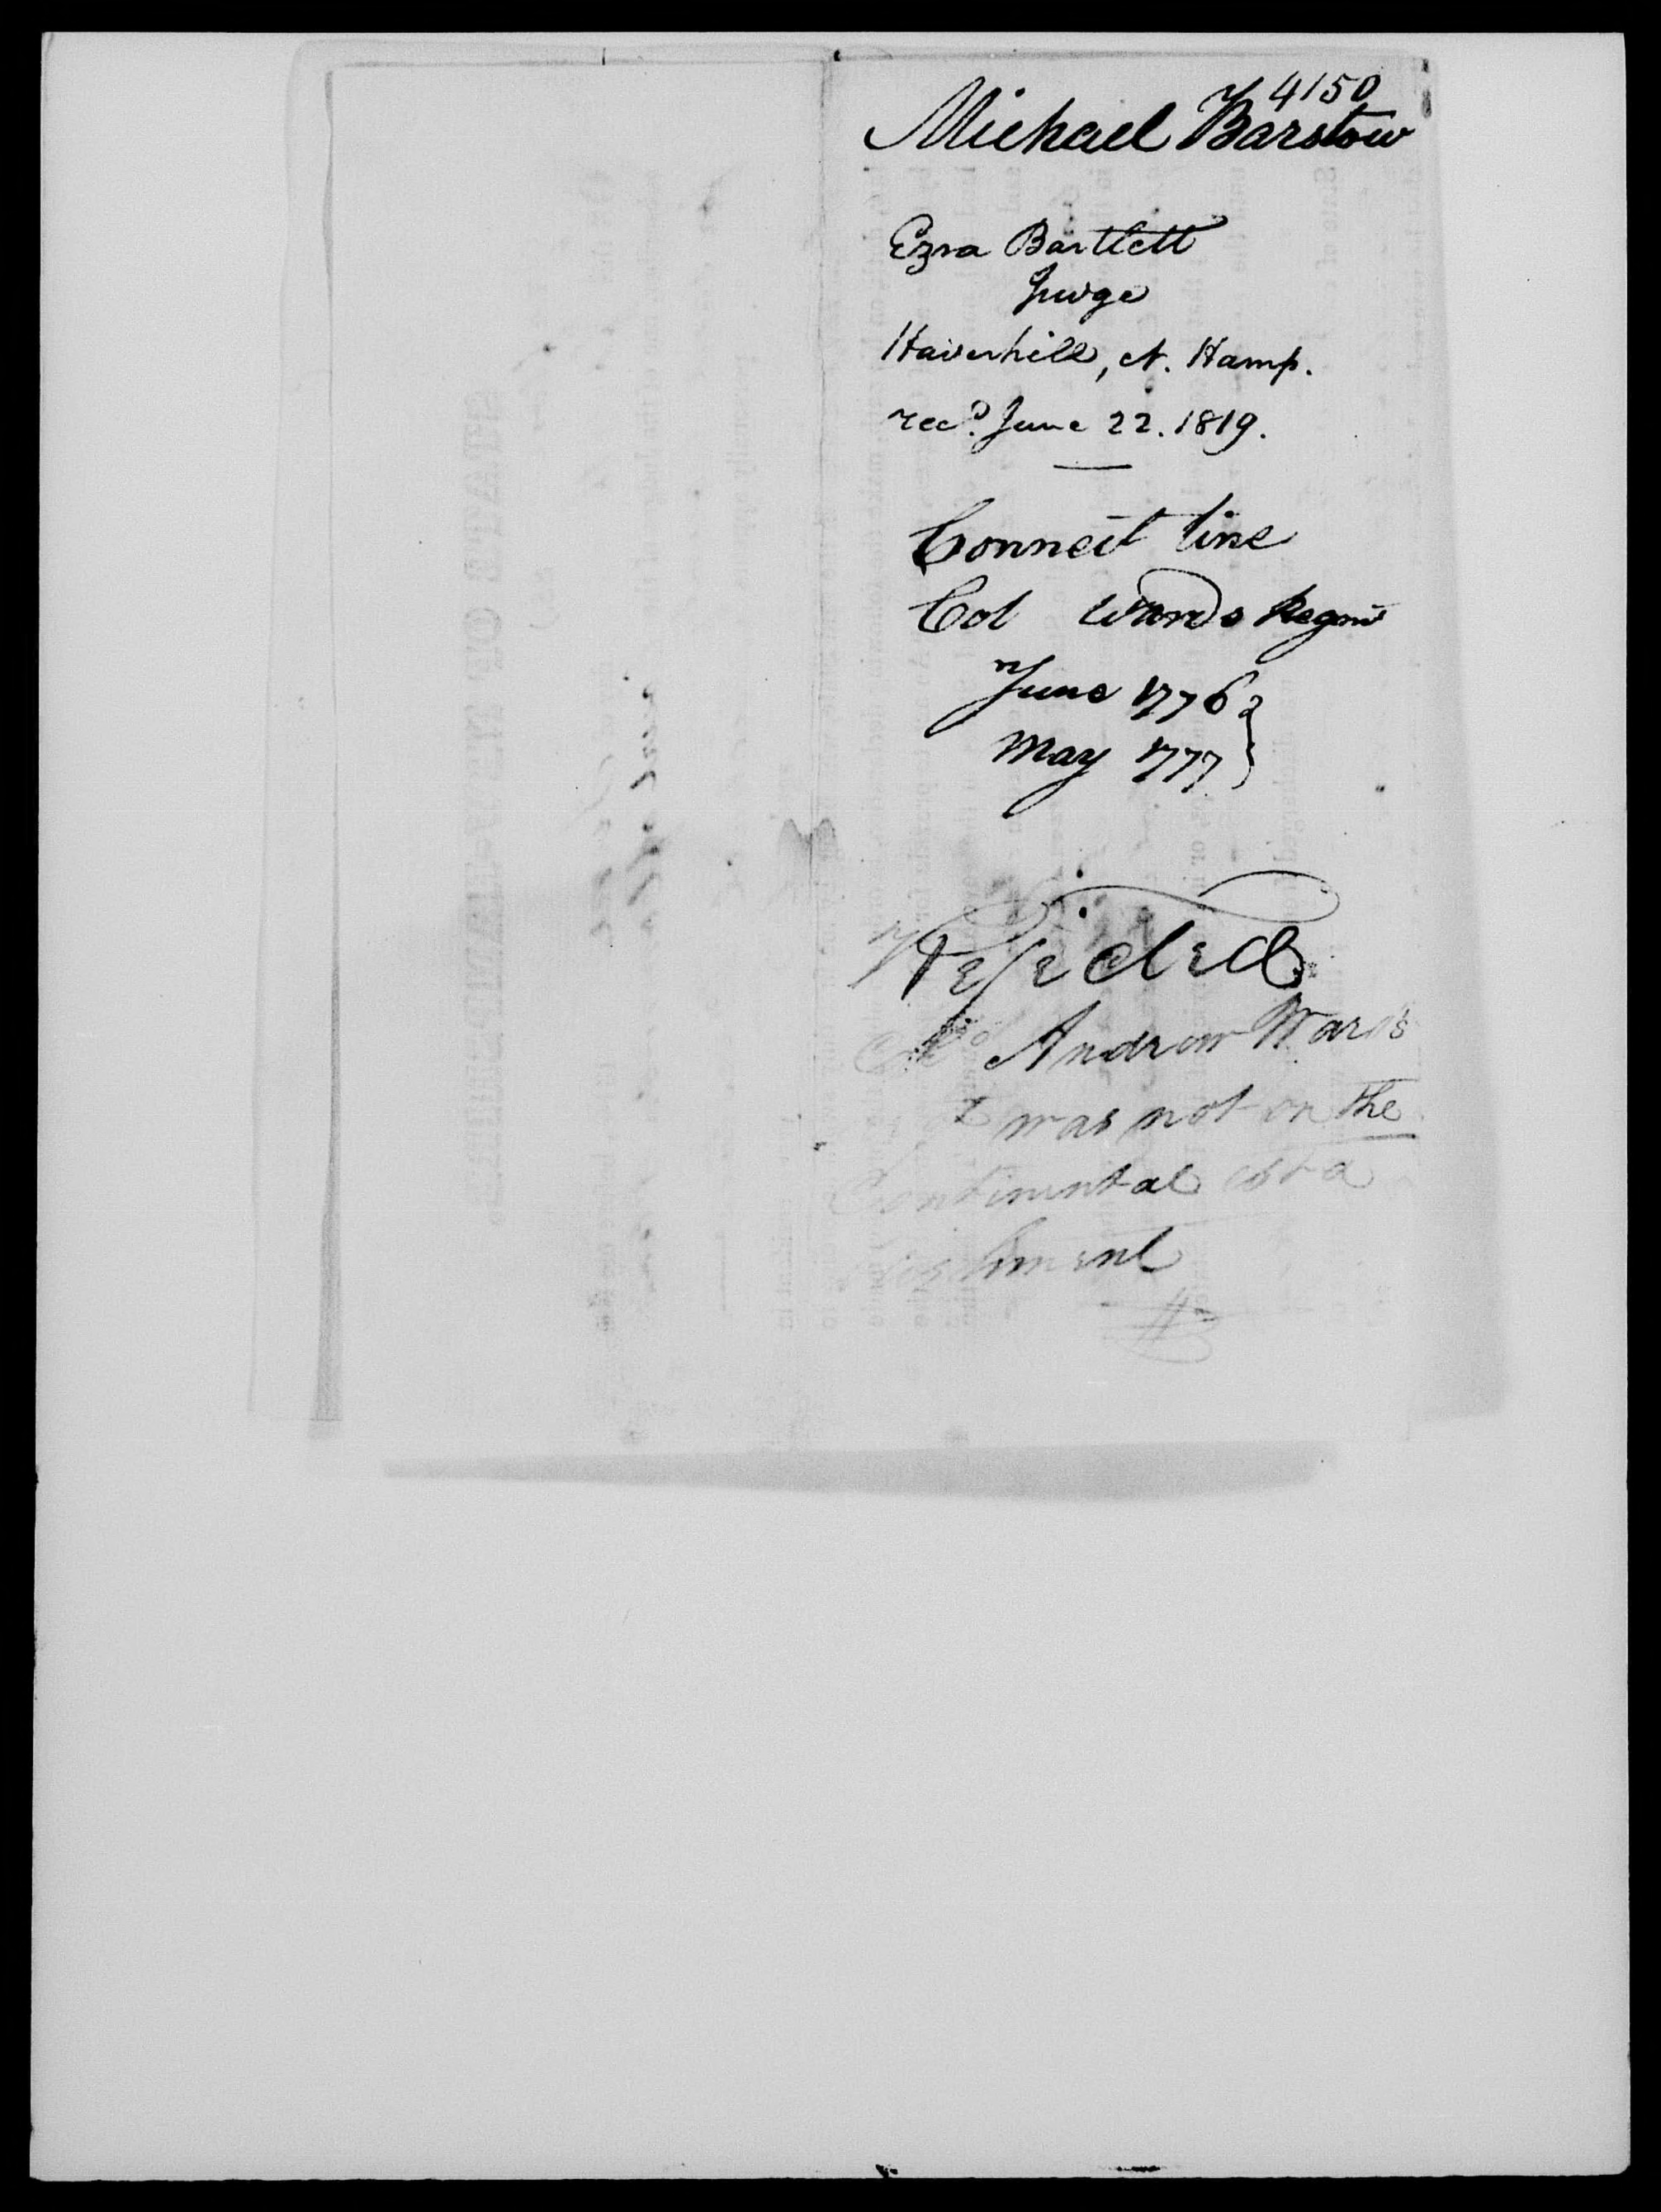4150
Michael Barstow
Ezra Bartlett
Judge
Haverhill, N Hamp
Rec'd June 22, 1819

Connect. line
Col [illegible]
June 1776
May 1777

Rejected
Col. Andrew Wards
was not on the 
Continental [illegible]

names: Andrew Wards, Michael Barstow, Ezra Bartlett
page: 4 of 22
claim: survivor's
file: S. 45,519, Michael Barstow, Conn.